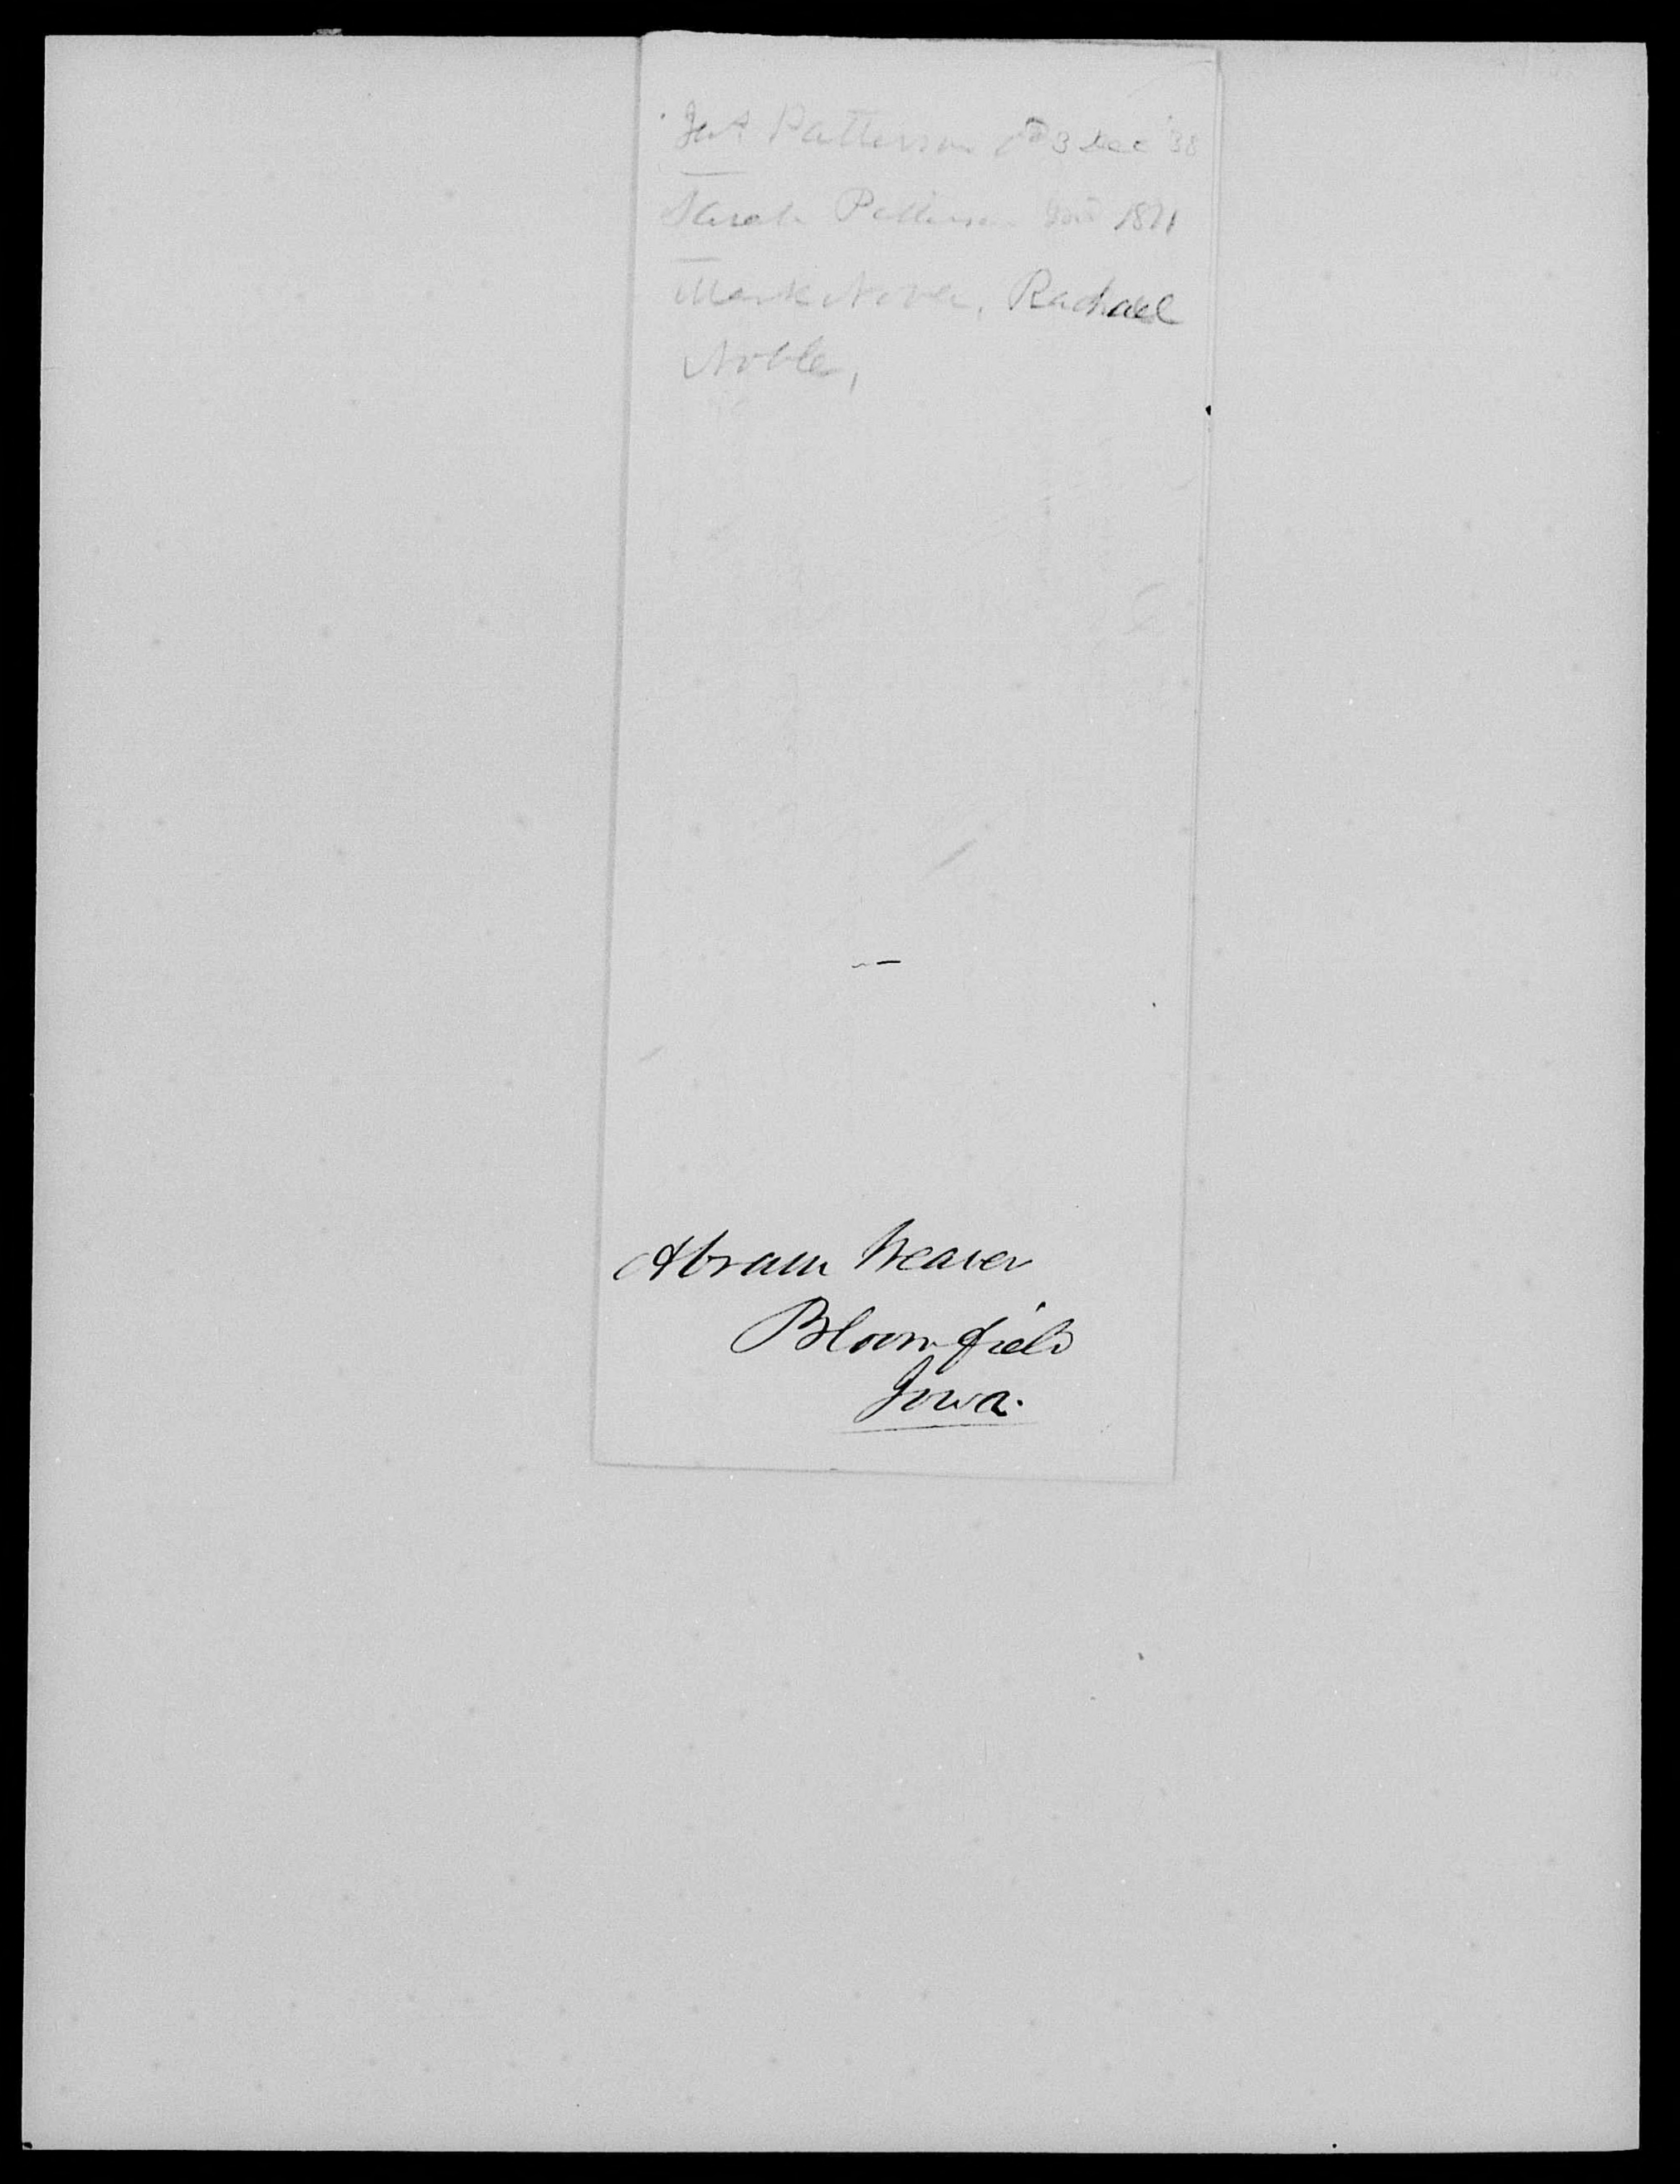[illegible James] Patterson [illegible] Dec ‘38 
Sarah Patterson [illegible] 1871 
Mark Nobel, Rachael Noble,




Abram Weaver
Bloomfield 
Iowa.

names: Rachael Noble; Sarah Patterson; Abram Weaver; Jas Patterson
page: 32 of 69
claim: widow's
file: W. 10861, for James Patterson, North Carolina